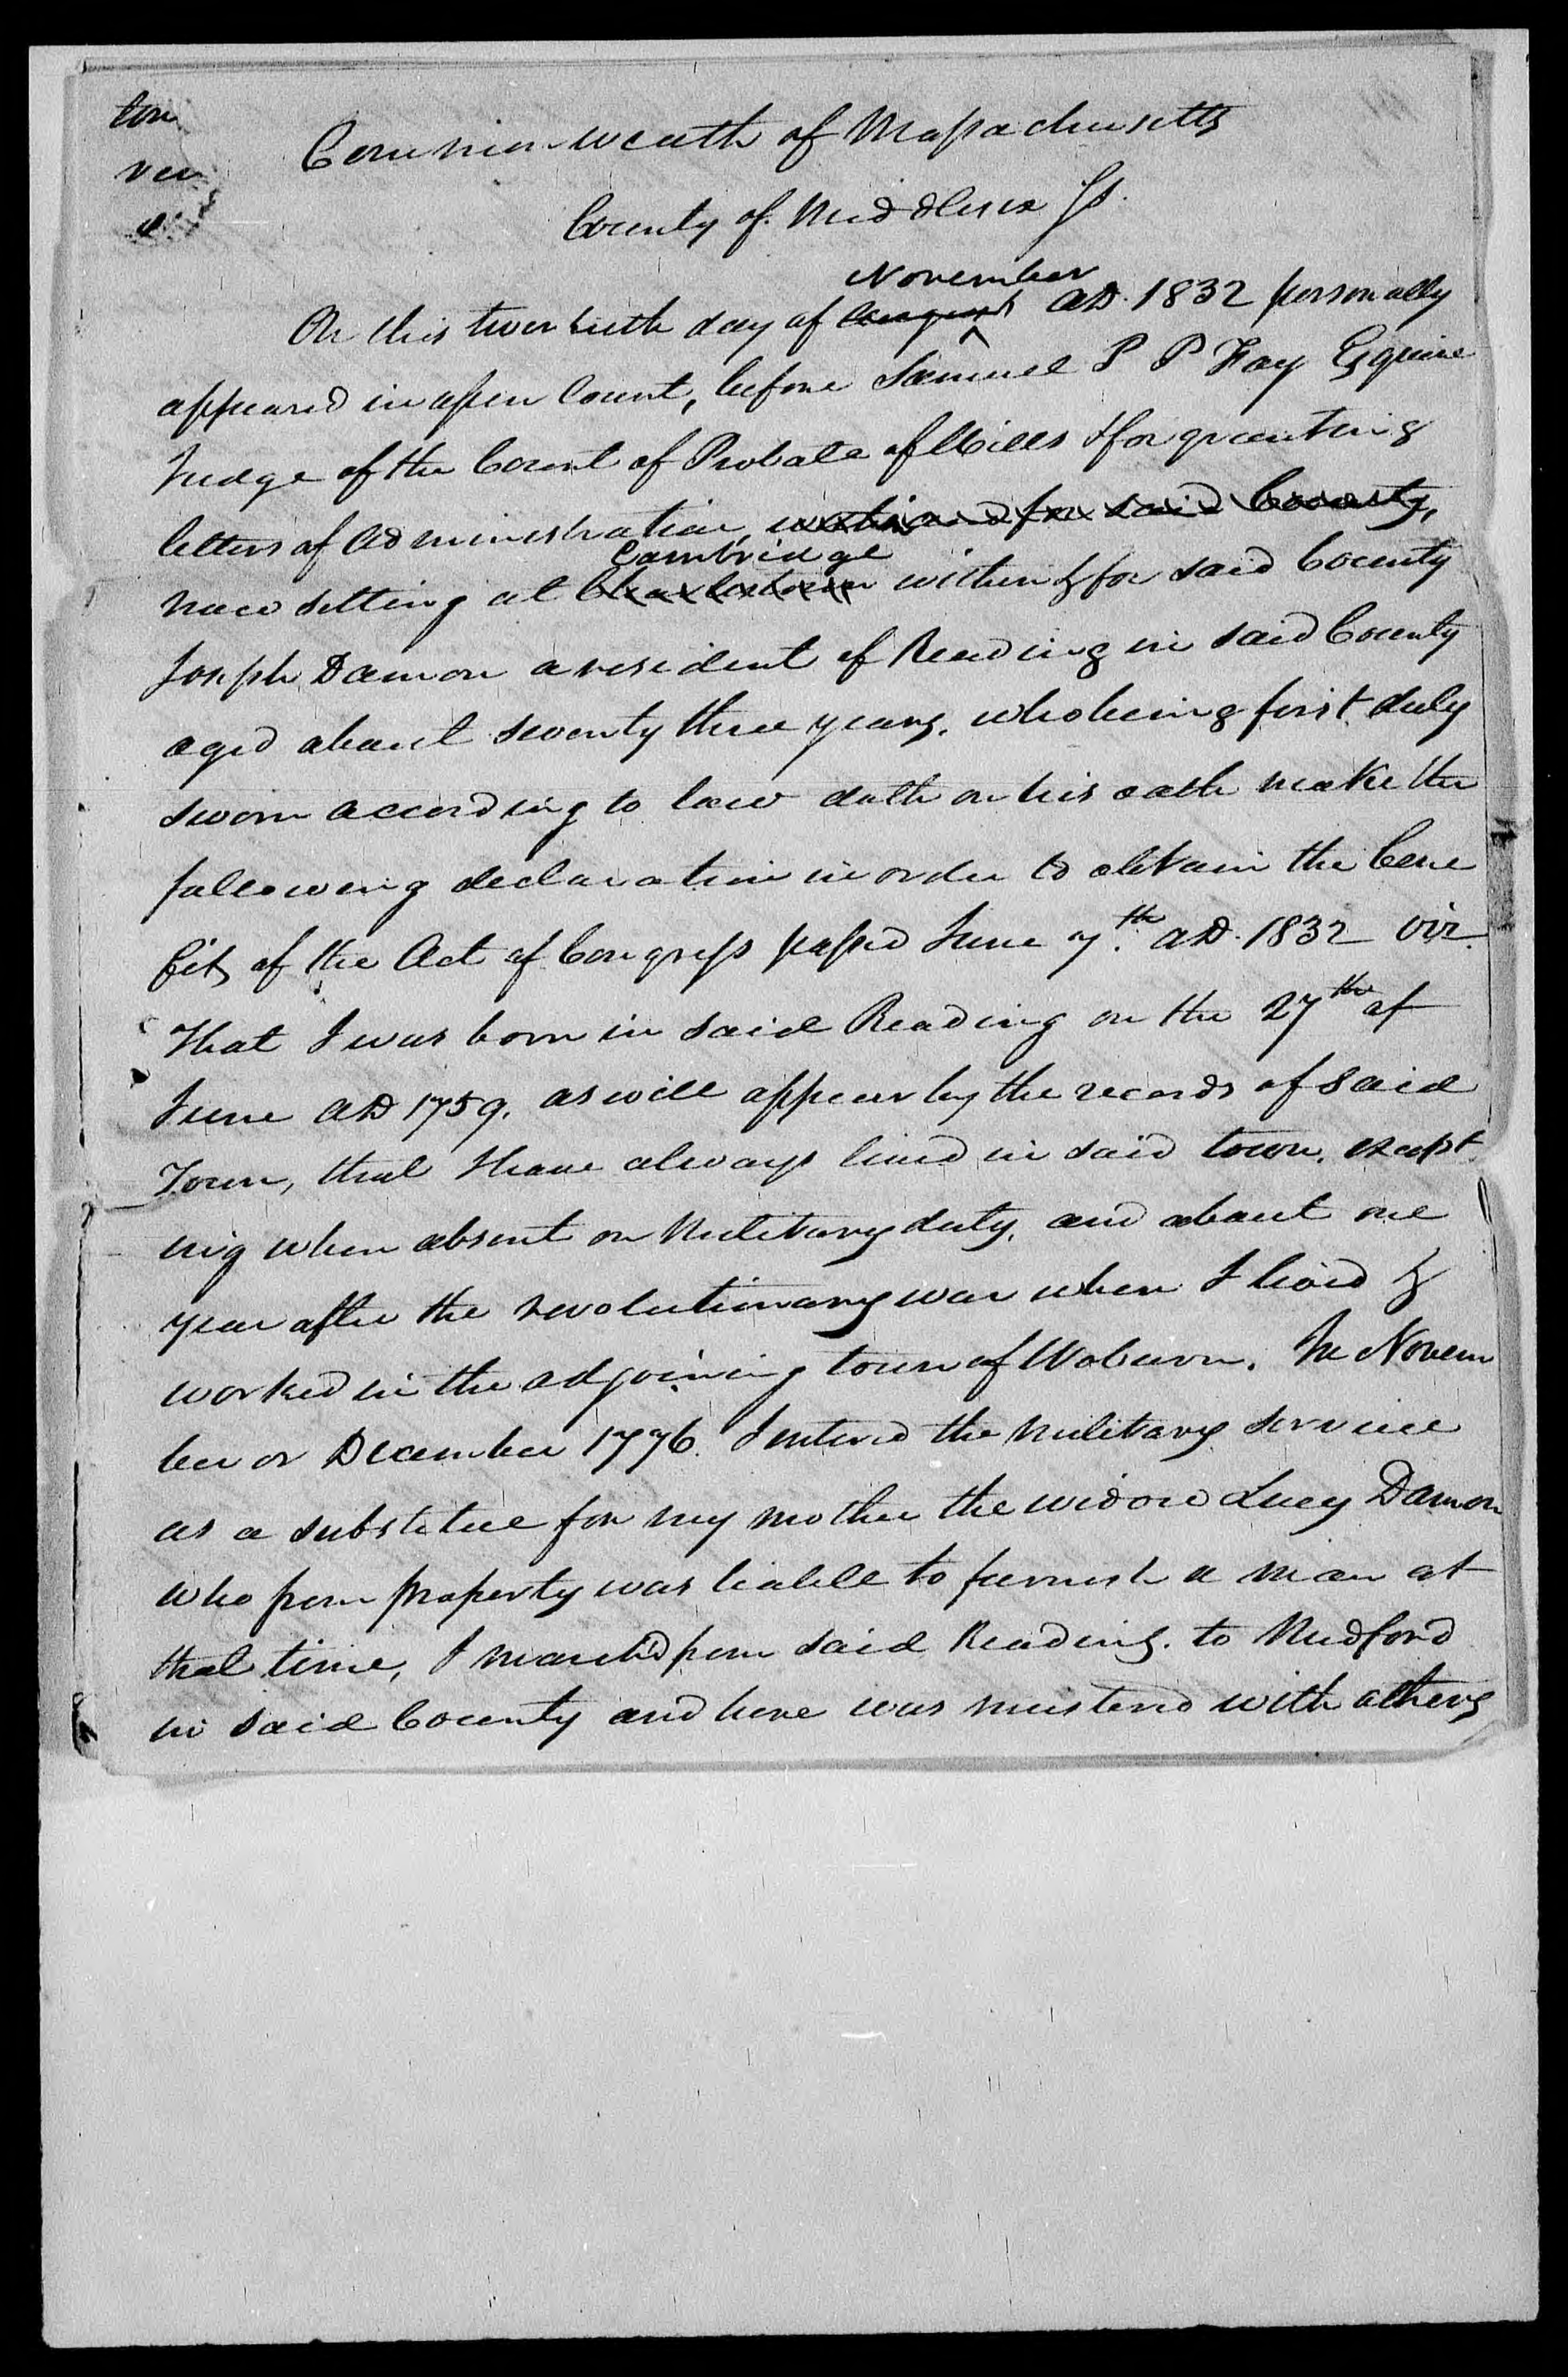Commonwea[l]th of Massachusetts
County of Middlesex ss.

On this twentieth day of November A.D 1832 personally appeared in open Court, before Samuel P P Fay Esquire Judge of the Court of Probate of Wills & for              & letters of Administration now sitting at Cambridge within & for said County, Joseph Damon a resident of Reading in said County aged about seventy three years, who being first duly sworn according to law doth on his oath make the following declaration in order to obtain the benefits of the Act of Congress passed June 7th AD 1832 viz. that I was born in said Reading on the 27th of June AD 1759, as will appear by the records of said Town, that I have always lived in said town excepting when absent on Military duty, and about one year after the revolutionary war when I lived & worked in the adjoining town of Woburn. In November or December 1776, I entered the Military Service as a substitute for my mother the widow Lucy Damon who from property was liable to furnish a man at that time, I marched from said Reading to Medford in said County and here was mustered with others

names: Samuel P P Fay, Joseph Damon, Lucy Damon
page: 3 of 28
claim: survivor's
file: S. 17376, Joseph Damon, Continental Mass.